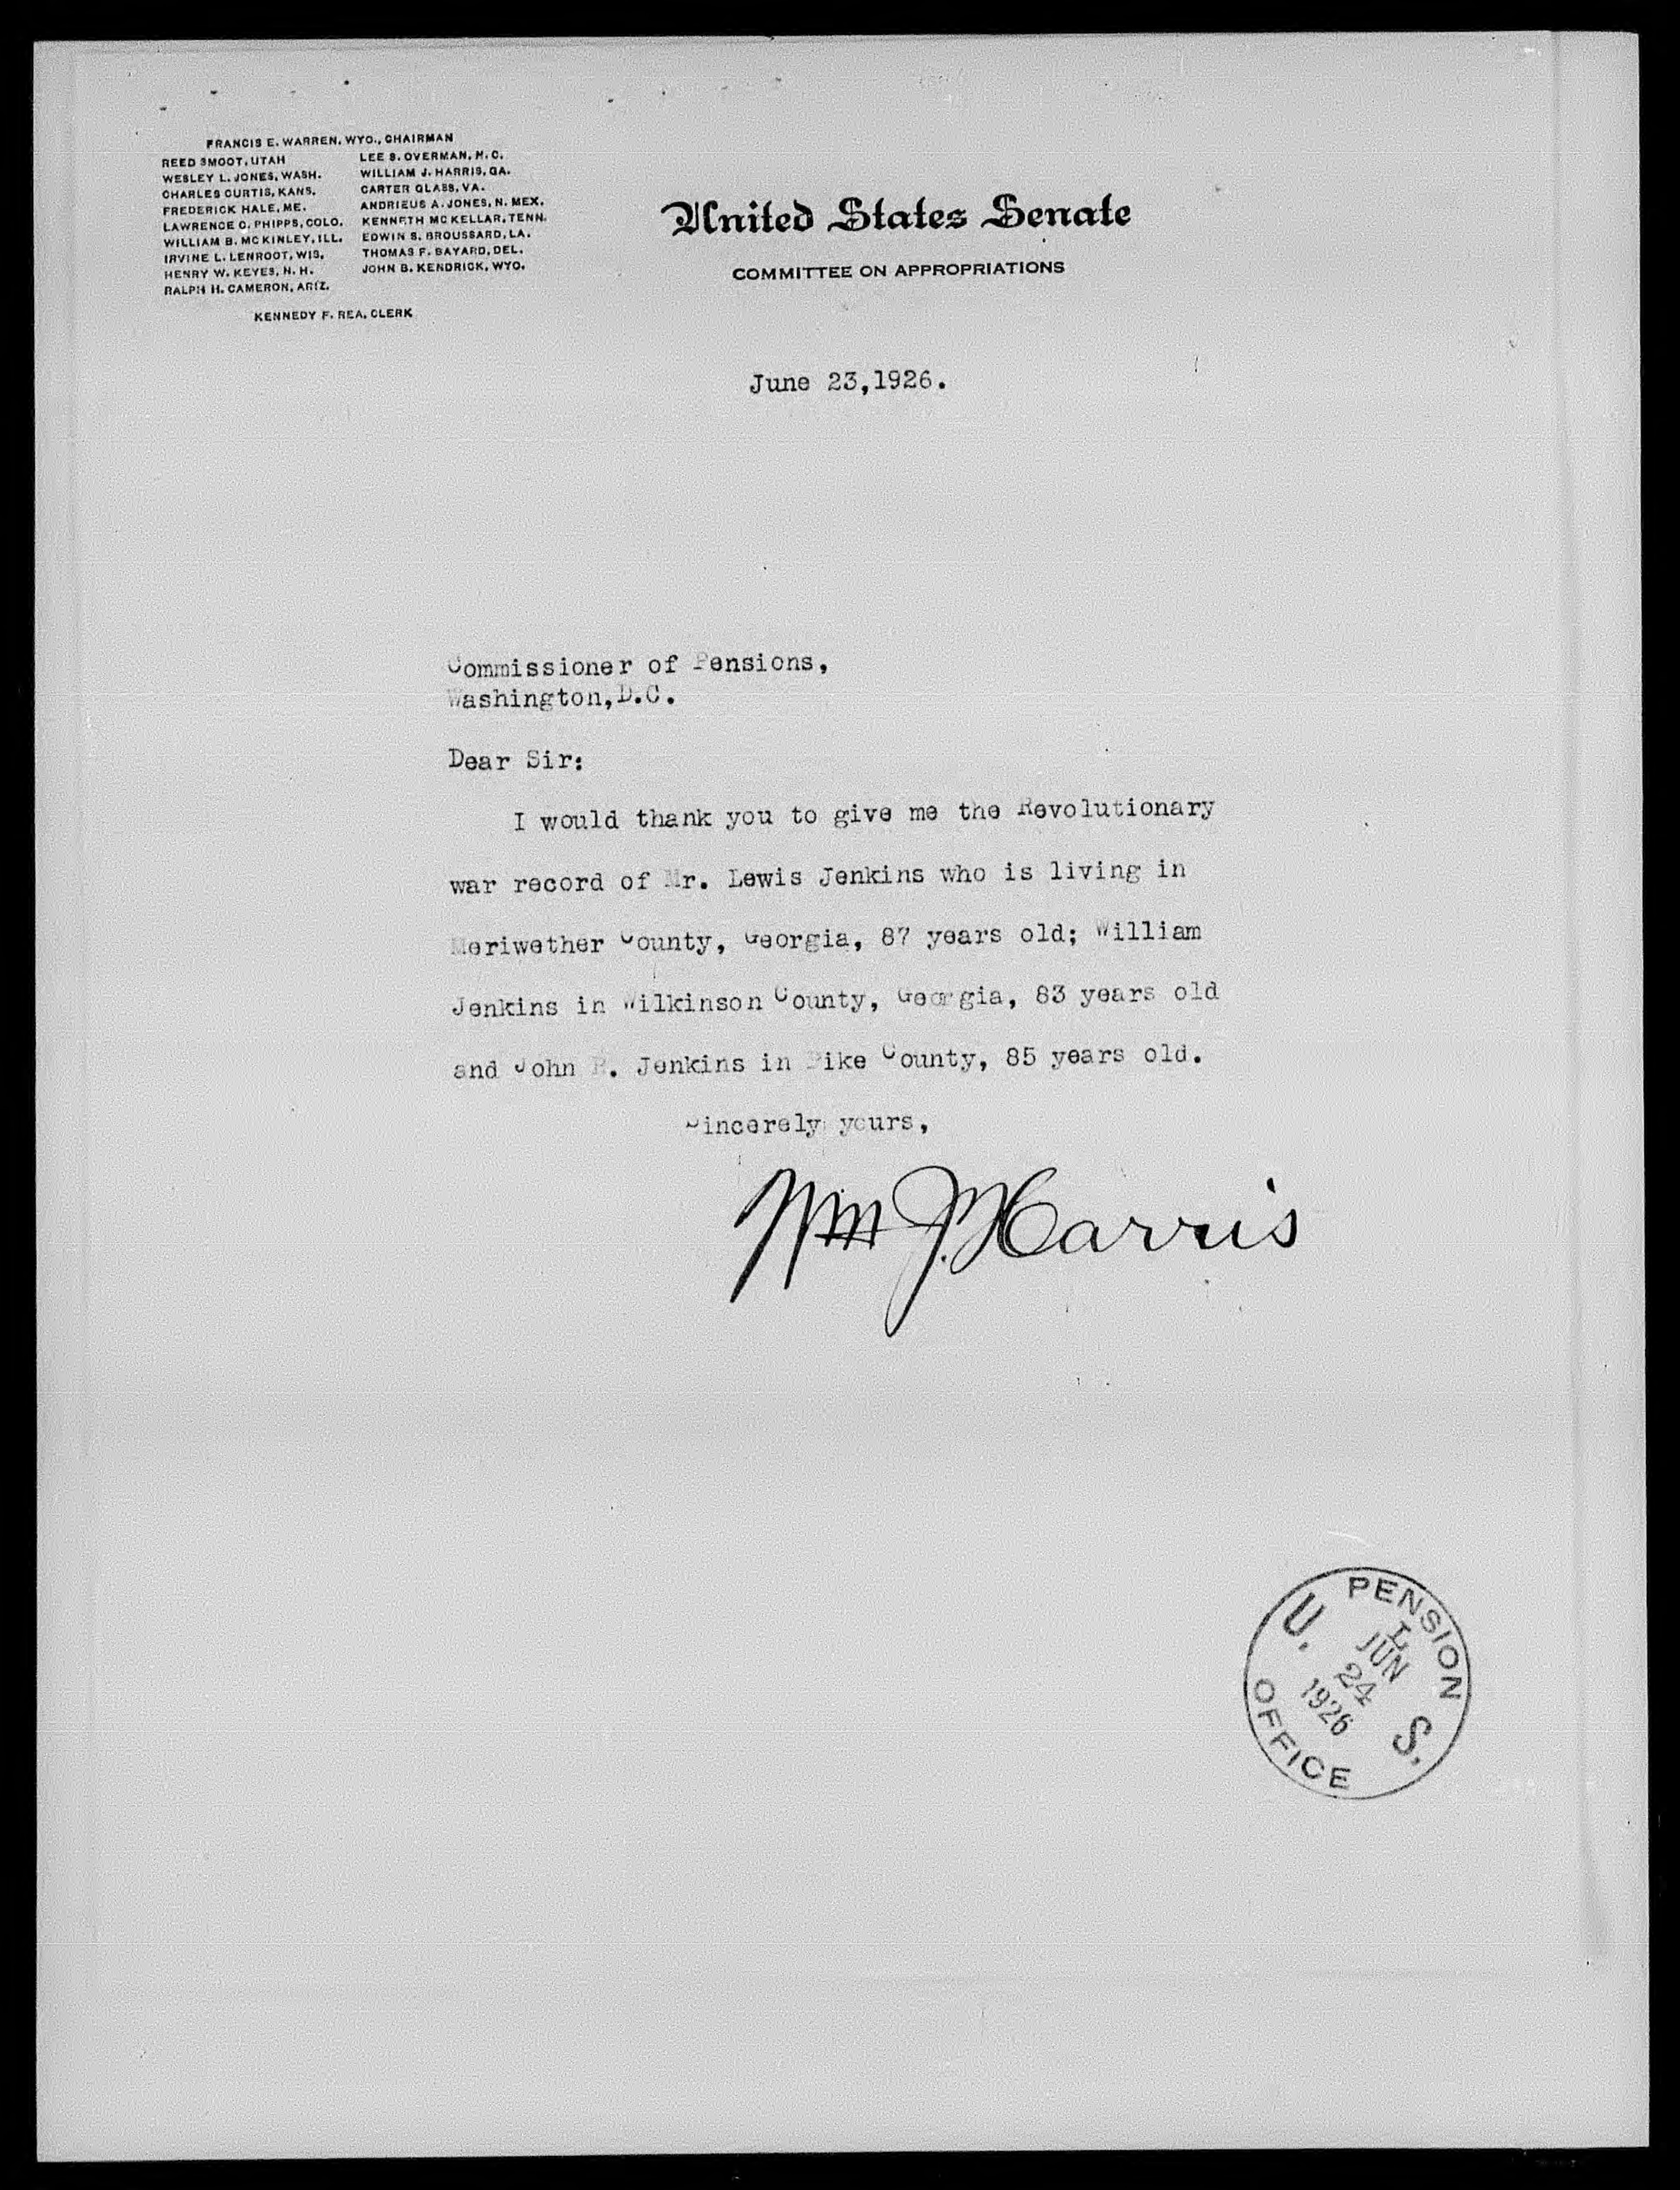FRANCIS E. WARREN WYO CHAIRMAN
REED SMOOT, UTAH
LEE S. OVERMAN, N.C.
WESLEY L. JONES, WASH.
WILLIAM J. HARRIS, GA
CHARLES CURTIS, KANS.
CARTER GLASS, VA.
FREDERICK HALE, ME.
ANDRIEUS A. JONES, N. MEX.
LAWRENCE C PHIPPS, COLO.
KENNETH MCKELLAR, TENN.
WILLIAM B. MCKINLEY, ILL.
EDWIN S BROUSSARD, LA.
IRVINE L. LENROOT, WIS.
THOMAS F. BAYARD, DEL.
HENRY W. KEYES, N. H.
JOHN B. KENDRICK, WYO.
RALPH H. CAMERON, ARIZ.
KENNEDY F. REA. CLERK
United States Senate
COMMITTEE ON APPROPRIATIONS
June 23, 1926.
Commissioner of Pensions,
Washington, D.C.
Dear Sir:
I would thank you to give me the Revolutionary war record of Mr. Lewis Jenkins who is living in Meriwether County, Georgia, 87 years old; William Jenkins in Wilkinson County, Georgia, 83 years old and John R. Jenkins in Pike County, 85 years old.
Sincerely yours,
Wm J. Harris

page: 55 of 55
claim: widow's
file: W. 7894, for John Jenkins, Virginia